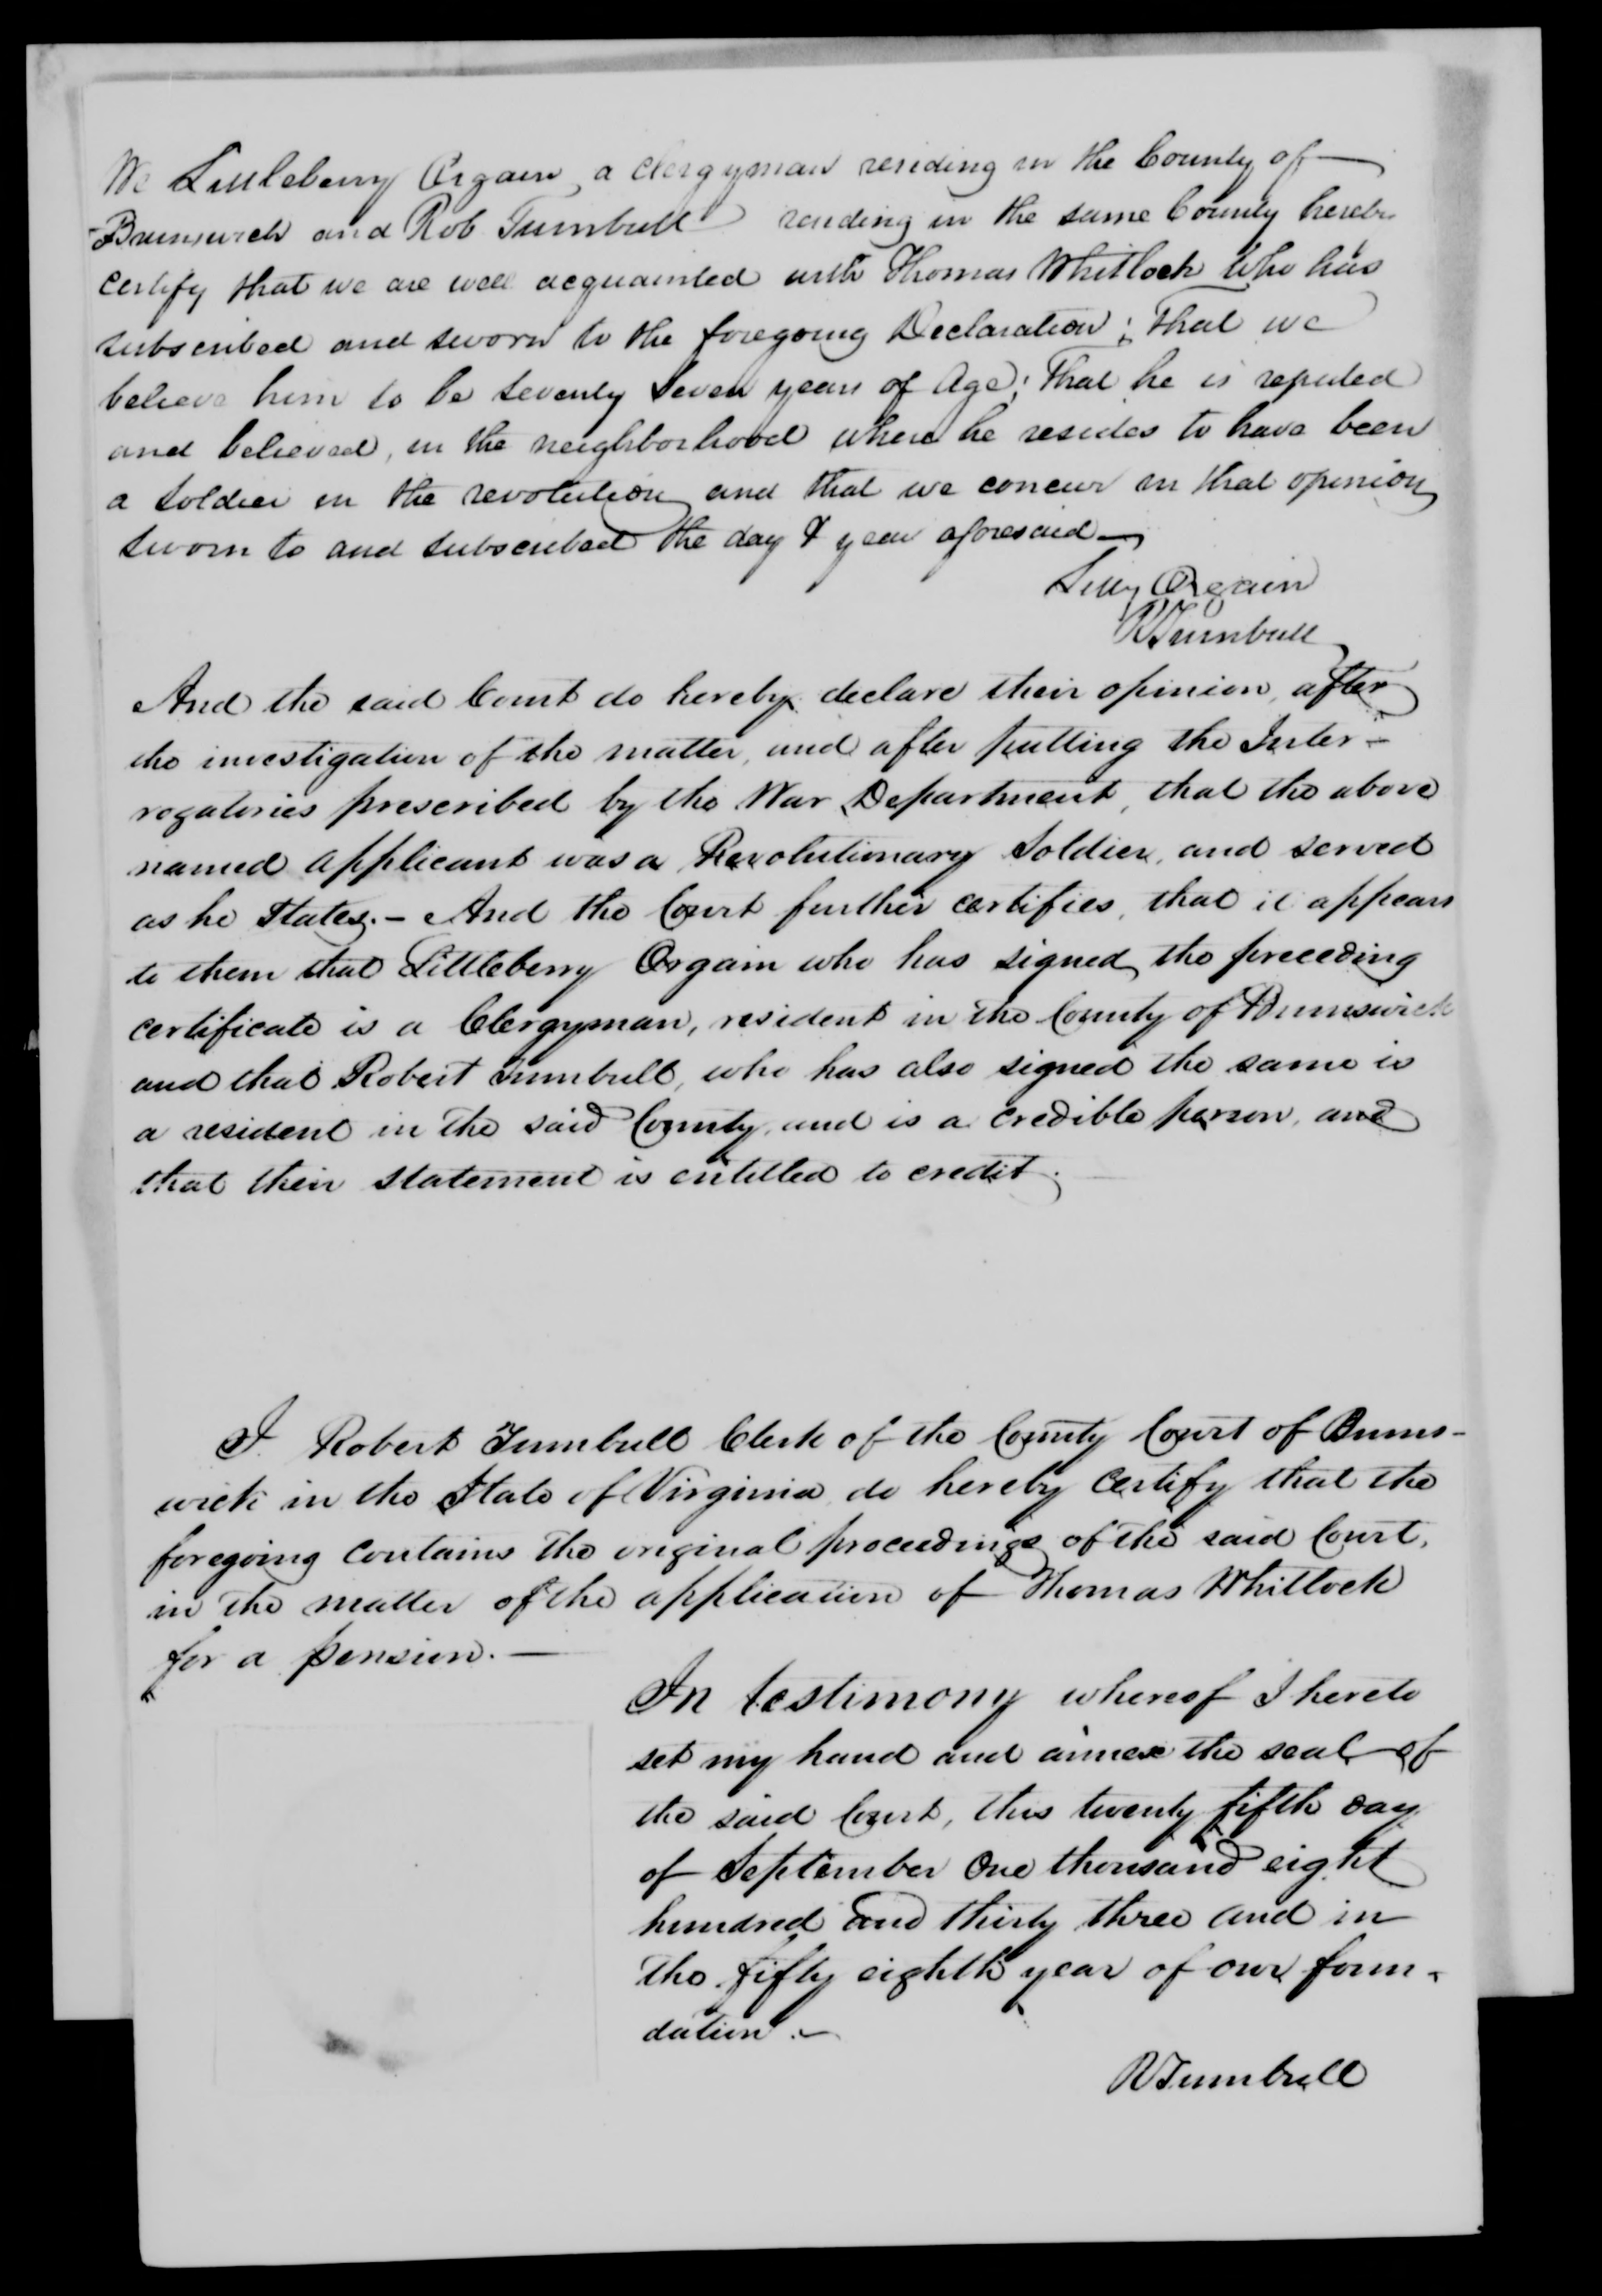We Littleberry Orgain, a Clergyman residing in the County of Brunswick and Rob Turnbull residing in the same County hereby Certify that we are well acquainted with Thomas Whitlock who has subscribed and sworn to the foregoing Declaration; that we believe him to be Seventy Seven years of Age; That he is reputed and believed in the neighborhood where he resides to have been a Soldier in the revolution and that we concur in that opinion
Sworn to and subscribed the day & year aforesaid ~
Litty Orgain
R Turnbull

And the said Court do hereby declare their opinion after the investigation of the matter, and after putting the Interrogatories prescribed by the War Department, that the above named applicant was a Revolutionary Soldier, and served as he states. - And the Court further certifies, that it appears to them that Littleberry Orgain who has signed the proceeding Certificate is a Clergyman, resident in the County of Brunswick and that Robert Turnbull, who has also signed the same is a resident in the said County, and is a credible person, and that their statement is entitled to credit. -

I Robert Turnbull Clerk of the County Court of Brunswick in the State of Virginia, do hereby Certify that the foregoing contains the original proceedings of this said Court, in the matter of the application of Thomas Whitlock for a pension. -
In testimony whereof I hereto set my hand and annex the seal of the said Court, this twenty fifth day of September One thousand eight hundred and thirty three and in the fifty eighth year of our formdation. ~
R Turnbull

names: Thomas Whitlock, Rob Tumbull, Linleberry Orgain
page: 31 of 32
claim: survivor's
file: S. 16020, Thomas Whitlock, Va.